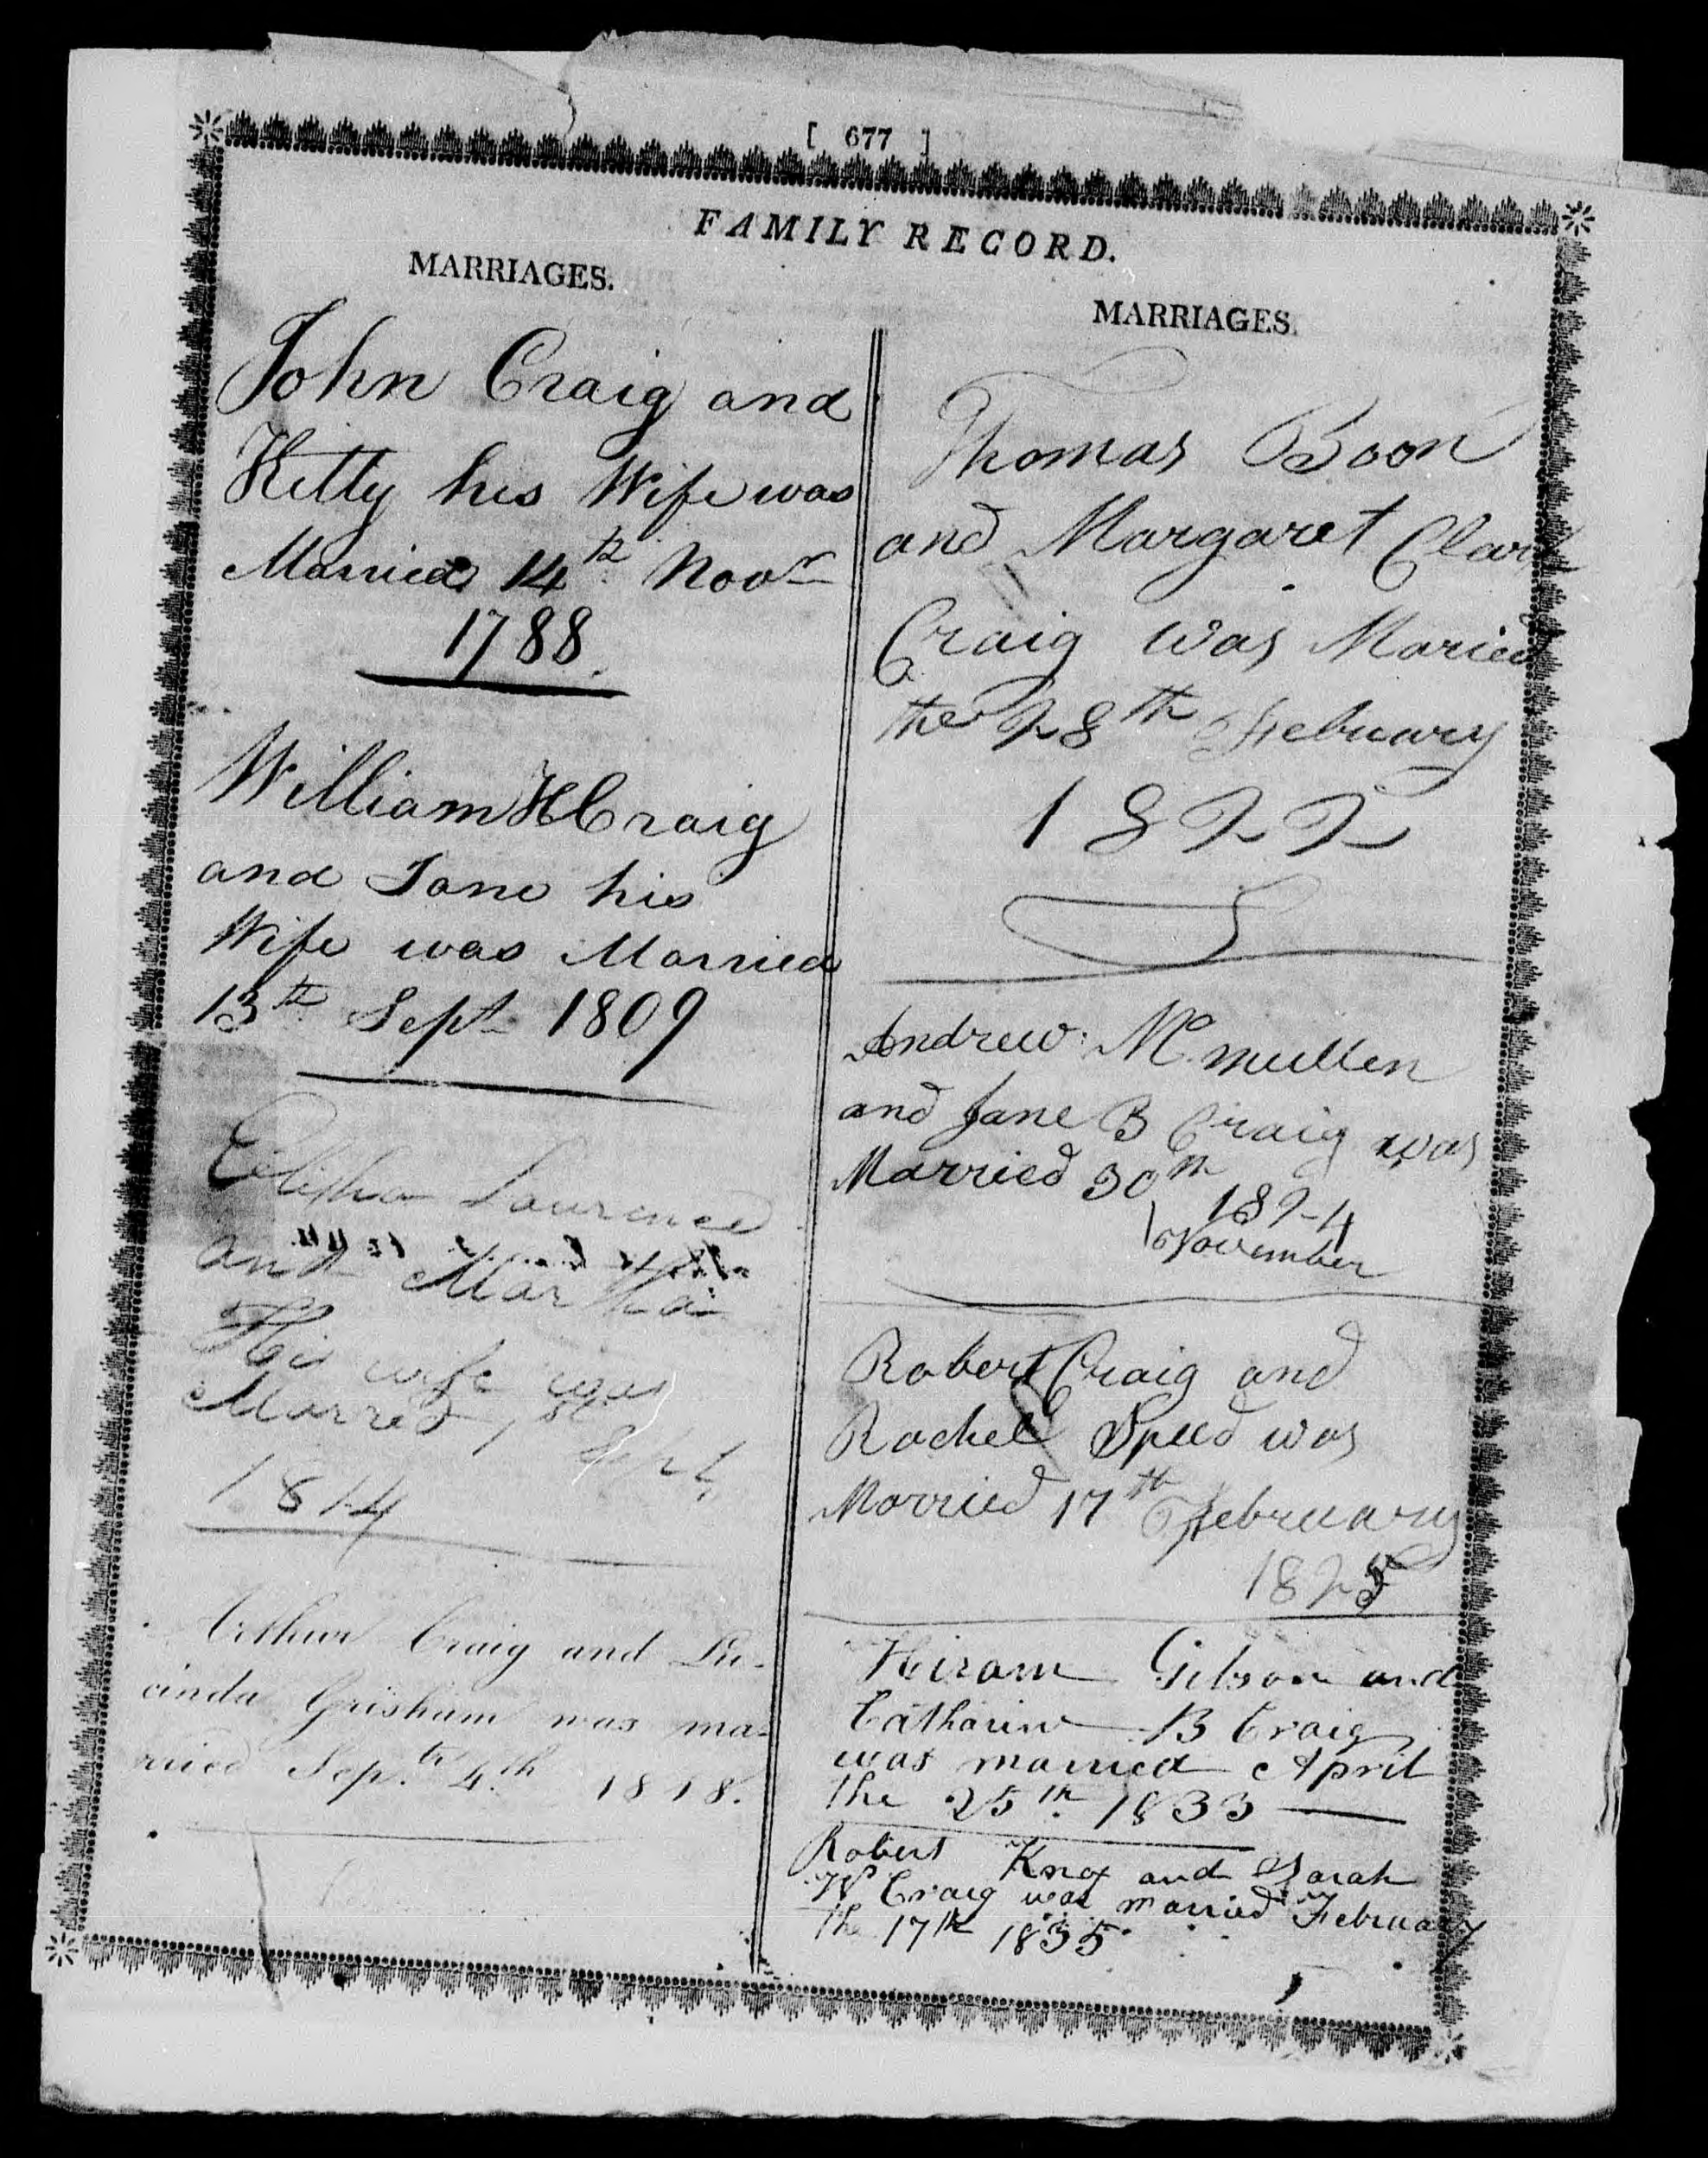[ 677 ]

FAMILY RECORD.
MARRIAGES.

John Craig and Hitty his Wife was Married 14th Nov. 1788

William H. Craig and Jane his Wife was Married 13th Sept 1809

Elisha Laurence and Martha His wife was Married 1st Sept. 1814

Arthur Craig and Lucinda Grisham was married Sept. 4th 1818

Thomas Boon and Margaret Clark Craig was Married the 28th Febuary 1822

Andrew McMullen and Jane B Craig was Married 30th 1824 November

Robert Craig and Rachel Speed was Married 17th February 1825

Hiram Gibson and Catharine B Craig was married April the 25th 1833

Robert Knox and Sarah W Caig was married February the 17th 1835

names: Hitty, Jane, Jane B Craig, Martha, W Craig, Andrew Mc Mullen, Margaret Clark Craig, Catharine B Craig, John Craig, Elisha Lawrence, William H Craig, Hiram Gibson, Thomas Boon, Arthur Craig, Lucinda Grisham, Rachel Speed, Robert Knox, Robert Craig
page: 13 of 55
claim: widow's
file: W. 22864, John Craig, S.C. Born In Iceland